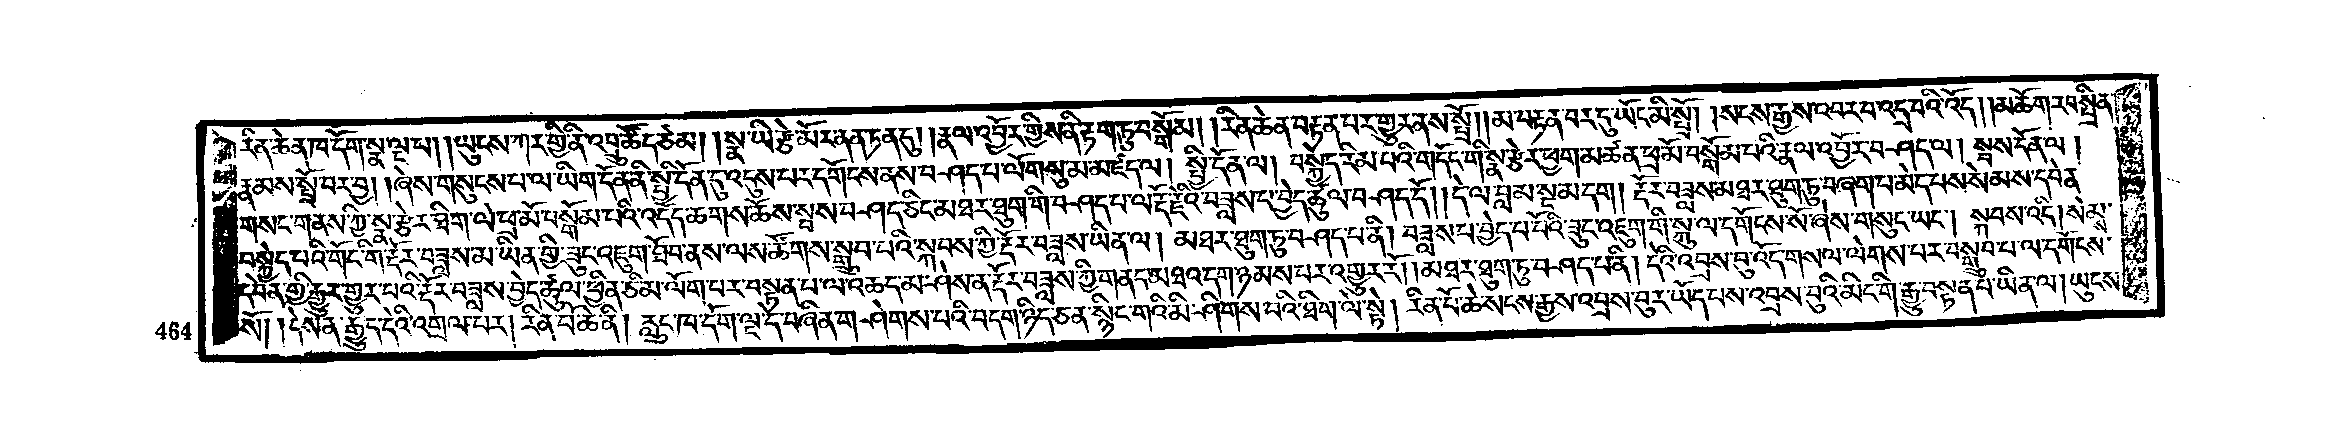རིན་ཆེན་ཁ་དོག་སྣ་ལྔ་པ། །ཡུངས་ཀར་གྱི་ནི་འབྲུ་ཚོད་ཙམ། །སྣ་ཡི་རྩེ་མོར་ནན་ཏན་དུ། །རྣལ་འབྱོར་གྱིས་ནི་རྟག་ཏུ་བསྒོམ། །རིན་ཆེན་བརྟན་པར་གྱུར་ནས་སྤྲོ། །མ་བརྟན་བར་དུ་ཡོང་མི་སྤྲོ། །སངས་རྒྱས་འབར་བ་འདྲ་བའི་འོད། །མཆོག་རབ་སྤྲིན་
རྣམས་སྤྲོ་བར་བྱ། །ཞེས་གསུངས་པ་ལ་ཡིག་དོན་ནི་སྤྱི་དོན་དུ་འདུས་པར་དགོངས་ནས་བཤད་པ་ལོགས་སུ་མ་མཛད་ལ། སྤྱི་དོན་ལ། བསྐྱེད་རིམ་པའི་གདོང་གི་སྣ་རྩེར་ཕྱག་མཚན་ཕྲ་མོ་བསྒོམ་པའི་རྣལ་འབྱོར་བཤད་ལ། སྦས་དོན་ལ།
གསང་གནས་ཀྱི་སྣ་རྩེར་ཐིག་ལེ་ཕྲ་མོ་བསྒོམ་པའི་འདོད་ཆགས་ཆོས་སྦས་བཤད་ཅིང་མཐར་ཐུག་གི་བཤད་པ་ལ་རྡོ་རྗེའི་བཟླས་པ་བྱེད་ཚུལ་བཤད་དོ། །དེ་ལ་བླ་མ་སྔ་མ་དག །རྡོར་བཟླས་མཐར་ཐུག་ཏུ་བཞག་པ་མེད་པས་སེམས་དབེན་
བསྐྱེད་པའི་གོང་གི་རྡོར་བཟླས་མ་ཡིན་གྱི་ཟུང་འཇུག་ཐོབ་ནས་ལས་ཚོགས་སྒྲུབ་པའི་སྐབས་ཀྱི་རྡོར་བཟླས་ཡིན་ལ། མཐར་ཐུག་ཏུ་བཤད་པ་ནི། བཟླས་པ་བྱེད་པ་པོའི་ཟུང་འཇུག་གི་སྐུ་ལ་དགོངས་སོ་ཞེས་གསུང་ཡང་། སྐབས་འདི། སེམས་
དབེན་གྱི་རྒྱུར་གྱུར་པའི་རྡོར་བཟླས་བྱེད་ཚུལ་ཕྱིན་ཅི་མ་ལོག་པར་བསྟན་པ་ལ་འཆད་མ་ཤེས་ན་རྡོར་བཟླས་ཀྱི་གནད་མཐའ་དག་ཉམས་པར་འགྱུར་རོ། །མཐར་ཐུག་ཏུ་བཤད་པ་ནི། དེའི་འབྲས་བུ་འོད་གསལ་ལེགས་པར་བསྒྲུབ་པ་ལ་དགོངས་
སོ། །དེས་ན་རྒྱུད་དེའི་འགྲེལ་པར། རིན་པོ་ཆེ་ནི། རླུང་ཁ་དོག་ལྔ་དེ་བཞིན་གཤེགས་པའི་བདག་ཉིད་ཅན་སྙིང་གའི་མི་ཤིགས་པའི་ཐིག་ལེ་སྟེ། རིན་པོ་ཆེ་སངས་རྒྱས་འབྲས་བུར་ཡོད་པས་འབྲས་བུའི་མིང་གི་རྒྱུ་བསྟན་པ་ཡིན་ལ། ཡུངས་